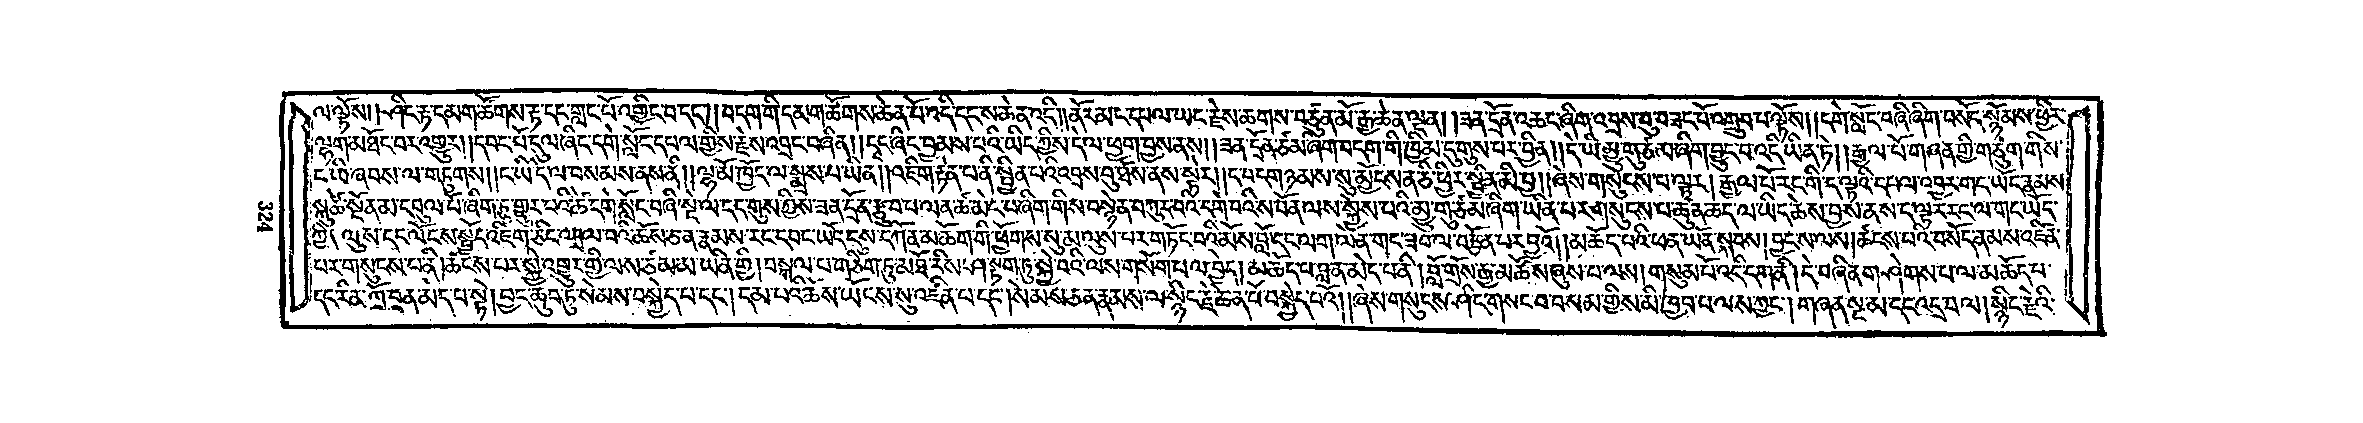ལ་ལྟོས། །ཤིང་རྟ་དམག་ཚོགས་རྟ་དང་གླང་པོ་འགྱིང་བ་དང་། །བདག་གི་དམག་ཚོགས་ཆེན་པོ་འདི་དང་ས་ཆེན་འདི། །ནོར་མང་དཔལ་ཡང་རྗེས་ཆགས་བཙུན་མོ་རྒྱ་ཆེན་ལྡན། །ཟན་དྲོན་འཆང་ཞིག་འབྲས་བུ་བཟང་པོ་འགྲུབ་པ་ལྟོས། །དགེ་སློང་བཞི་ཞིག་བསོད་སྙོམས་ཕྱིར་
ལྷག་མཐོང་བར་འགྱུར། །དབང་པོ་དུལ་ཞིང་དགེ་སློང་དཔལ་གྱིས་རྗེས་འབྲང་བཞིན། །དྭང་ཞིང་བྱམས་པའི་ཡིད་ཀྱིས་དེ་ལ་ཕྱག་བྱས་ནས། །ཟན་དྲོན་ཙམ་ཞིག་བདག་གི་ཁྱིམ་དུ་གུས་པར་བྱིན། །དེ་ཡི་མྱུ་གུ་ཙམ་ཞིག་བྱུང་བ་འདི་ཡིན་ཏེ། །རྒྱལ་པོ་གཞན་གྱི་གཙུག་གིས་
ང་ཡི་ཞབས་ལ་གཏུགས། །ང་ཡི་དེ་ལ་བསམས་ནས་ནི། །ལྷ་མོ་ཁྱོད་ལ་སྨྲས་པ་ཡིན། །འཇིག་རྟེན་པ་ནི་སྦྱིན་པའི་འབྲས་བུ་ཐོས་ནས་སྟེར། །ད་བདག་ཉམས་སུ་མྱོངས་ན་ཅི་ཕྱིར་སྦྱིན་མི་བྱ། །ཞེས་གསུངས་པ་ལྟར། རྒྱལ་པོ་རང་གི་ད་ལྟའི་དཔལ་འབྱོར་གང་ཡོད་རྣམས་
སྐུ་ཚེ་སྔོན་མ་དབུལ་པོ་ཞིག་ཏུ་གྱུར་པའི་ཚེ་དགེ་སློང་བཞི་སྡེ་ལ་དད་གུས་ཀྱིས་ཟན་དྲོན་རྩུབ་པ་ལན་ཚ་མེད་པ་ཞིག་གིས་བསྙེན་བཀུར་བའི་དགེ་བའི་ས་བོན་ལས་སྐྱེས་པའི་མྱུ་གུ་ཙམ་ཞིག་ཡིན་པར་གསུངས་པ་ཚུན་ཆད་ལ་ཡིད་ཆེས་བྱས་ནས་ད་ལྟར་རང་ལ་གང་ཡོད་
ཀྱི། ལུས་དང་ལོངས་སྤྱོད་འཇིག་ཅིང་འབྲལ་བའི་ཆོས་ཅན་རྣམས་རང་དབང་ཡོད་དུས་དཀོན་མཆོག་གི་ཕྱོགས་སུ་མ་ལུས་པར་གཏོང་བའི་མོས་བློ་དང་ལག་ལེན་གང་ཟབ་ལ་བརྩོན་པར་བྱའོ། །མཆོད་པའི་ཕན་ཡོན་སྐབས། བྱང་ས་ལས། ཚངས་པའི་བསོད་ནམས་འཛིན་
པར་གསུངས་པ་ནི། ཚངས་པར་སྐྱེ་འགྱུར་གྱི་ལས་ཙམ་མ་ཡིན་གྱི། བསྐལ་པ་གཅིག་ཏུ་མཐོ་རིས་ཤ་སྟག་ཏུ་སྐྱེ་བའི་ལས་གསོག་པ་ལ་བྱེད། མཆོད་པ་བླ་ན་མེད་པ་ནི། བློ་གྲོས་རྒྱ་མཚོས་ཞུས་པ་ལས། གསུམ་པོ་འདི་དག་ནི། དེ་བཞིན་གཤེགས་པ་ལ་མཆོད་པ་
དང་རིན་ཀྲོ་བྲན་མེད་པ་སྟེ། བྱང་ཆུབ་ཏུ་སེམས་བསྐྱེད་པ་དང་། དམ་པའི་ཆོས་ཡོངས་སུ་འཛིན་པ་དང་། སེམས་ཅན་རྣམས་ལ་སྙིང་རྗེ་ཆེན་པོ་བསྐྱེད་པའོ། །ཞེས་གསུངས་ཤིང་གསང་བ་བསམ་གྱིས་མི་ཁྱབ་པ་ལས་ཀྱང་། གཞན་སྔ་མ་དང་འདྲ་བ་ལ། སྙིང་རྗེའི་